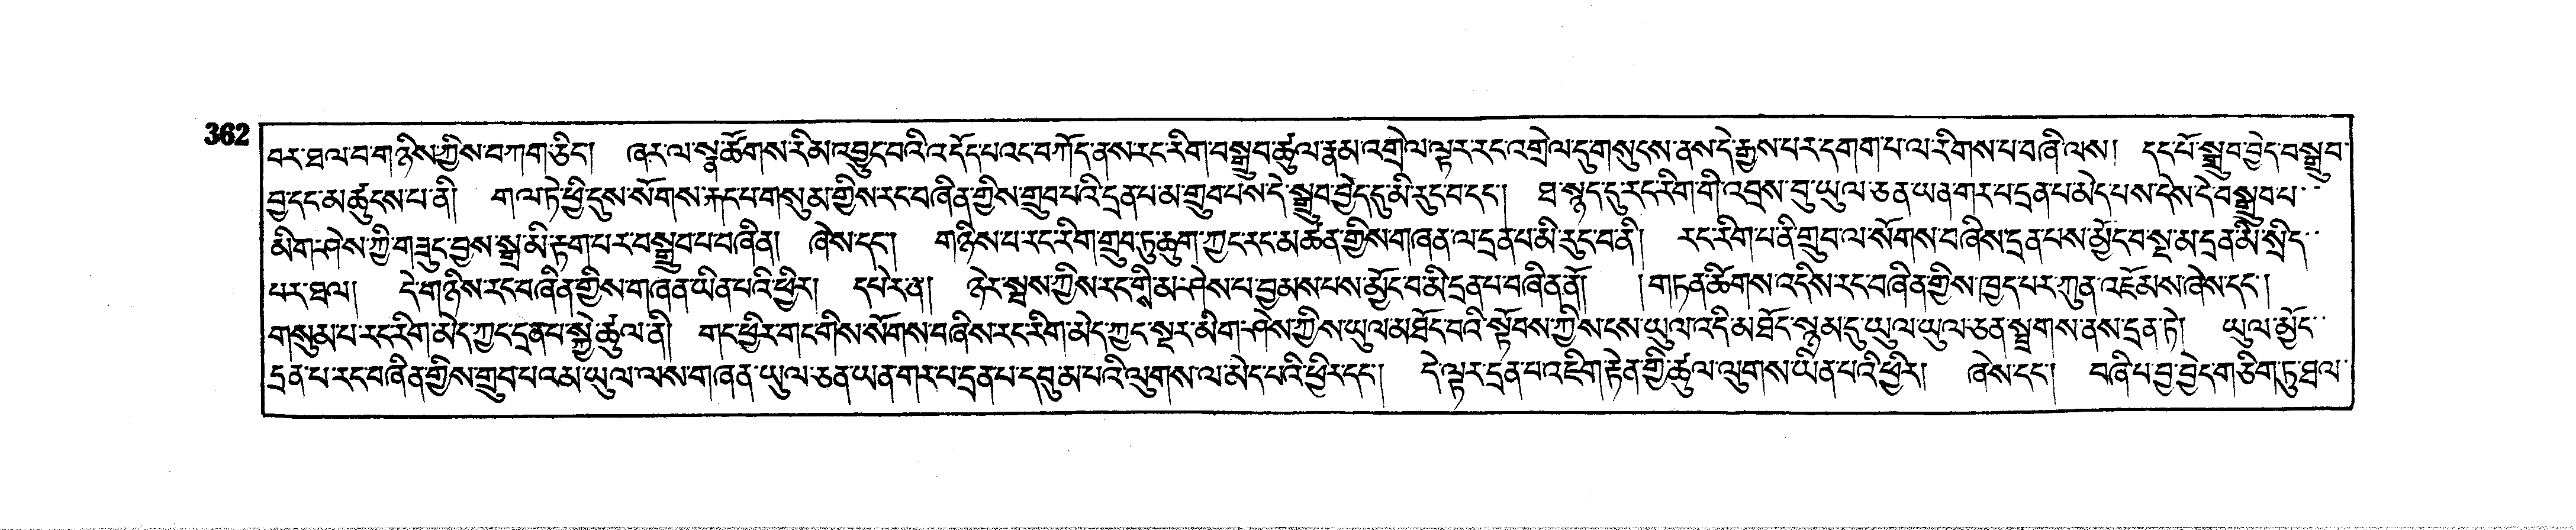བར་ཐལ་བ་གཉིས་ཀྱིས་བཀག་ཅིང་། ཞར་ལ་སྣ་ཚོགས་རིམ་འབྱུང་བའི་འདོད་པའང་བཀོད་ནས་རང་རིག་བསྒྲུབ་ཚུལ་རྣམ་འགྲེལ་ལྟར་རང་འགྲེལ་དུ་གསུངས་ནས་དེ་རྒྱས་པར་དགག་པ་ལ་རིགས་པ་བཞི་ལས། དང་པོ་སྒྲུབ་བྱེད་བསྒྲུབ་
བྱ་དང་མཚུངས་པ་ནི། གལ་ཏེ་ཕྱི་དུས་སོགས་རྐང་པ་གསུམ་གྱིས་རང་བཞིན་གྱིས་གྲུབ་པའི་དྲན་པ་མ་གྲུབ་པས་དེ་སྒྲུབ་བྱེད་དུ་མི་རུང་བ་དང་། ཐ་སྙད་དུ་རང་རིག་གི་འབྲས་བུ་ཡུལ་ཅན་ཡན་གར་བ་དྲན་པ་མེད་པས་དེས་དེ་བསྒྲུབ་པ་
མིག་ཤེས་ཀྱི་གཟུང་བྱས་སྒྲ་མི་རྟག་པར་བསྒྲུབ་པ་བཞིན། ཞེས་དང་། གཉིས་པ་རང་རིག་གྲུབ་ཏུ་ཆུག་ཀྱང་རང་མཚན་གྱིས་གཞན་ལ་དྲན་པ་མི་རུང་བ་ནི། རང་རིག་པ་ནི་གྲུབ་ལ་སོགས་བཞིས་དྲན་པས་མྱོང་བ་སྔ་མ་དྲན་མི་སྲིད་
པར་ཐལ། དེ་གཉིས་རང་བཞིན་གྱིས་གཞན་ཡིན་པའི་ཕྱིར། དཔེར་ན། ཉེར་སྦས་ཀྱིས་རང་གིས་མ་ཤེས་པ་བྱམས་པས་མྱོང་བ་མི་དྲན་པ་བཞིན་ནོ། །གཏན་ཚིགས་འདིས་རང་བཞིན་གྱིས་ཁྱད་པར་ཀུན་འཇོམས་ཞེས་དང་།
གསུམ་པ་རང་རིག་མེད་ཀྱང་དྲན་པ་སྐྱེ་ཚུལ་ནི། གང་ཕྱིར་གང་གིས་སོགས་བཞིས་རང་རིག་མེད་ཀྱང་སྔར་མིག་ཤེས་ཀྱིས་ཡུལ་མཐོང་བའི་སྟོབས་ཀྱིས་ངས་ཡུལ་འདི་མཐོང་སྙམ་དུ་ཡུལ་ཡུལ་ཅན་སྦྲགས་ནས་དྲན་ཏེ། ཡུལ་མྱོང་
དྲན་པ་རང་བཞིན་གྱིས་གྲུབ་པའམ་ཡུལ་ལས་གཞན་ཡུལ་ཅན་ཡན་གར་པ་དྲན་པ་དབུ་མ་པའི་ལུགས་ལ་མེད་པའི་ཕྱིར་དང་། དེ་ལྟར་དྲན་པ་འཇིག་རྟེན་གྱི་ཚུལ་ལུགས་ཡིན་པའི་ཕྱིར། ཞེས་དང་། བཞི་པ་བྱ་བྱེད་གཅིག་ཏུ་ཐལ་